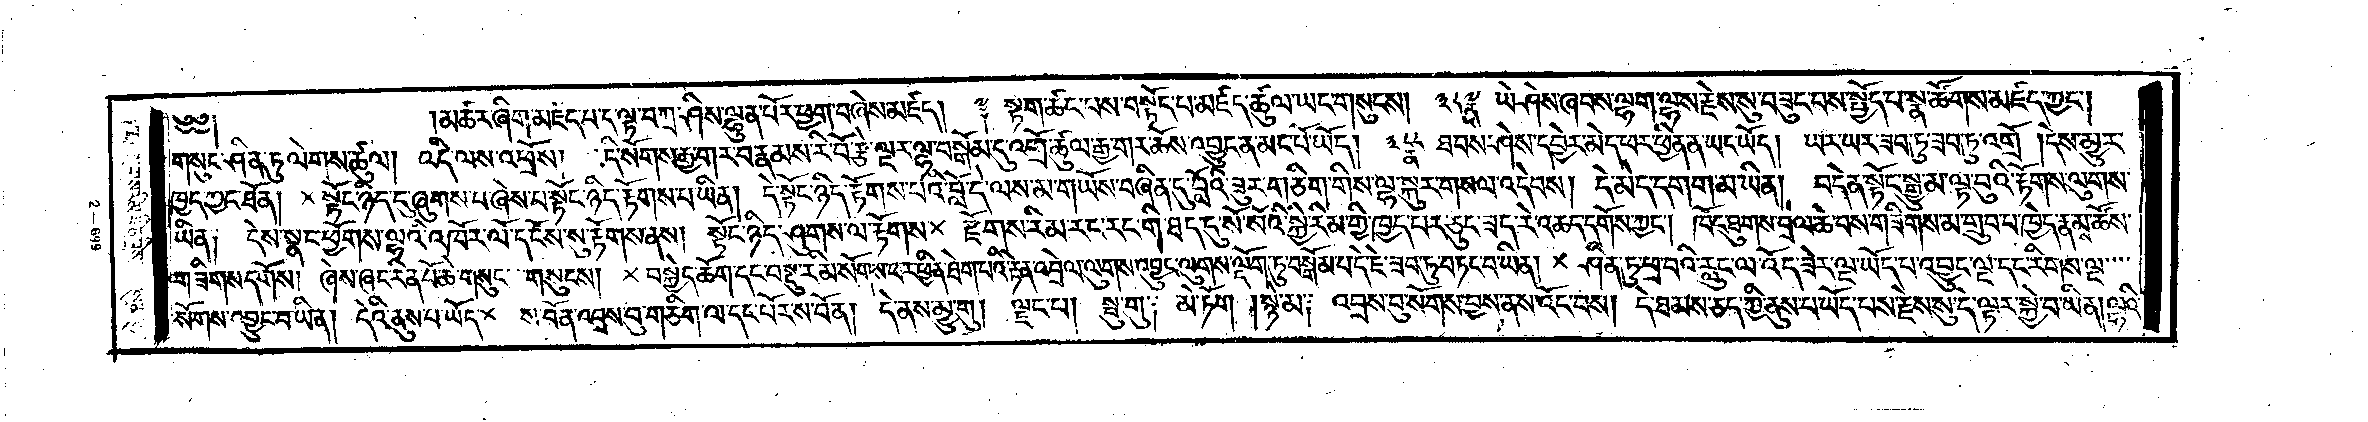༄༅། །མཚར་ཞིག་མཛད་པ་ད་ལྟ་བཀྲ་ཤིས་ལྷུན་པོར་ཕྱག་བཞེས་མཛད། ༈ སྟག་ཚང་པས་བསྟོད་པ་མཛད་ཚུལ་ཡང་གསུངས། ༣༨༧ན༥་ཡེ་ཤེས་ཞབས་ལྷག་ལྷས་རྗེས་སུ་བཟུང་བས་སྤྱོད་པ་སྣ་ཚོགས་མཛད་ཀྱང་།
གསུང་ཤིན་ཏུ་ལེགས་ཚུལ། འདི་ལས་འཕྲོས། འདི་སོགས་རྒྱ་གར་བ་རྣམས་རི་བོ་རྩེ་ལྔར་ལྷ་བསྒོམ་དུ་འགྲོ་ཚུལ་རྒྱ་གར་ཆོས་འབྱུང་ན་མང་པོ་ཡོད། ༣༨༨ན་ཐབས་ཤེས་དབྱེར་མེད་ཕར་ཕྱིན་ན་ཡང་ཡོད། ཡར་ཡར་ཟབ་ཏུ་ཟབ་ཏུ་འགྲོ་།དེས་མྱུར་
ཁྱད་ཀྱང་ཐོན། ྾་སྟོང་ཉིད་དུ་ཞུགས་པ་ཞེས་པ་སྟོང་ཉིད་རྟོགས་པ་ཡིན། དེ་སྟོང་ཉིད་རྟོགས་པའི་བློ་དེ་ལས་མ་གཡོས་བཞིན་དུ་བློའི་ཟུར་གཅིག་གིས་ལྷ་སྐུར་གསལ་འདེབས། དེ་མེད་དགག་མ་ཡིན། བདེན་སྟོང་སྒྱུ་མ་ལྟ་བུའི་རྟོགས་ལུགས་
ཡིན༑ ངེས་སྣང་ཕྱོགས་ལྷའི་འཁོར་ལོ་དངོས་སུ་རྟོགས་ནས། སྟོང་ཉིད་ཤུགས་ལ་རྟོགས་྾་རྫོགས་རིམ་རང་རང་གི་ཐད་དུ་སོ་སོའི་སྐྱེ་རིམ་གྱི་ཁྱད་པར་ཅུང་ཟད་རེ་འཆད་དགོས་ཀྱང་། ཁོང་ཐུགས་བྲེལ་ཆེ་བས་གཟིགས་མ་གྲུབ་པ་ཁྱེད་རྣམས་ཚོས་གཟིགས་དགོས། ཞེས་ཞང་རིན་པོ་ཆེ་གསུང་གསུངས། ྾་བསྐྱེད་ཆོག་དང་བསྡུ་རིམ་སོགས་ཕར་ཕྱིན་ཐེག་པའི་རྟེན་འབྲེལ་ལུགས་འབྱུང་ལུགས་ལྡོག་ཏུ་བསྒོམ་པ་དེ་རྗེ་ཟབ་ཏུ་བཏང་བ་ཡིན། ྾་ཤིན་ཏུ་ཕྲ་བའི་རླུང་ལ་འོད་ཟེར་ལྔ་ཡོད་པ་འབྱུང་ལྔ་དང་རིགས་ལྔ་
སོགས་འབྱུང་བ་ཡིན། དེའི་ནུས་པ་ཡོད་྾་ས་བོན་འབྲས་བུ་གཅིག་ལ་དང་པོར་ས་བོན། དེ་ནས་མྱུ་གུ། ལྗང་པ། སྦུ་གུ༑ མེ་ཏོག །སྙེ་མ༑ འབྲས་བུ་སོགས་བྱས་ནས་འོང་བས། དེ་ཐམས་ཅད་ཀྱི་ནུས་པ་ཡོད་པས་རྗེས་སུ་དེ་ལྟར་སྐྱེ་བ་ཡིན། ལྷའི་